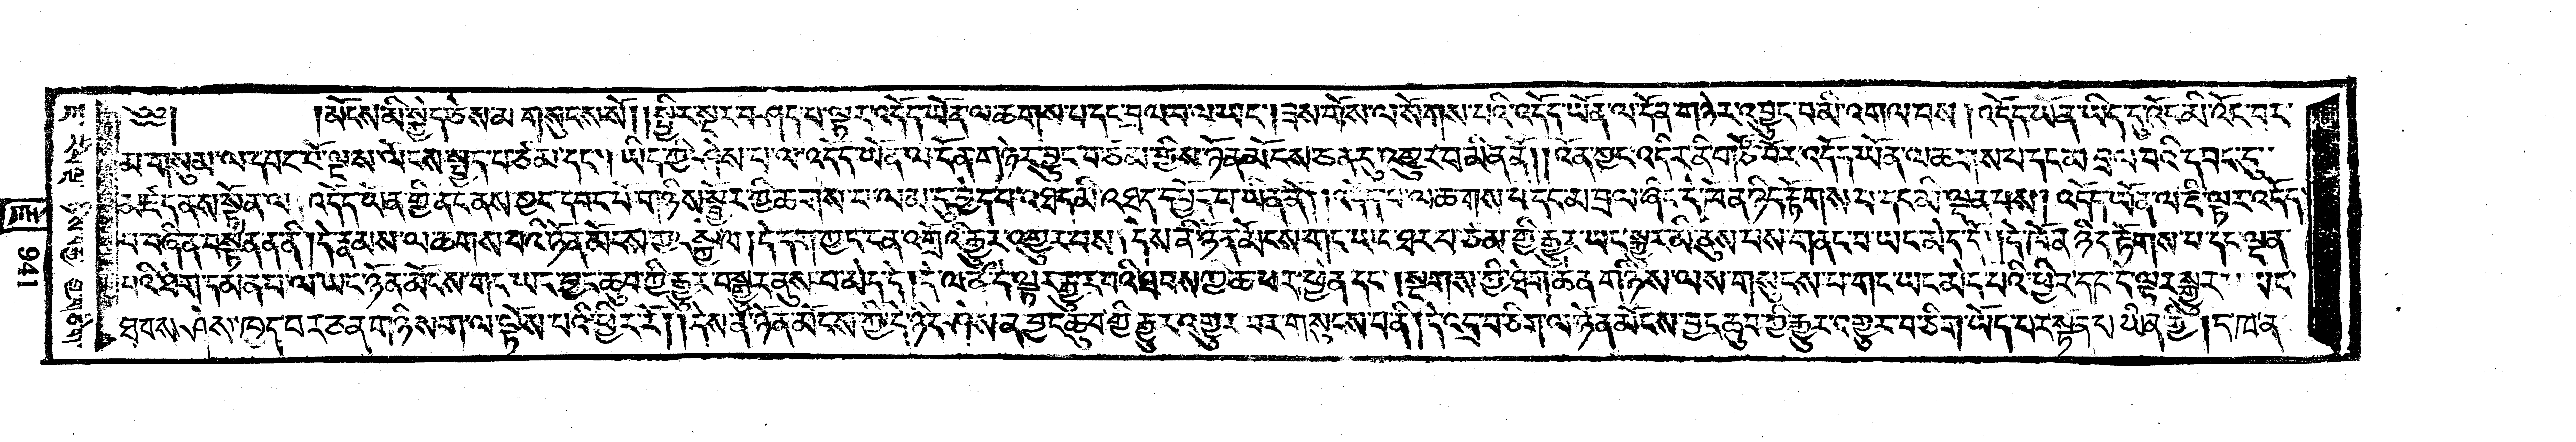༄༅། །མོངས་མི་སྐྱེད་ཅེས་མ་གསུངས་སོ། །སྤྱིར་སྔར་བཤད་པ་ལྟར་འདོད་ཡོན་ལ་ཆགས་པ་དང་བྲལ་བ་ལ་ཡང་། ཟས་གོས་ལ་སོགས་པའི་འདོད་ཡོན་ལ་དོན་གཉེར་འབྱུང་བ་མི་འགལ་བས། འདོད་ཡོན་ཡིད་དུ་འོང་མི་འོང་བར་
མ་གསུམ་ལ་དབང་པོ་ལྔས་ལོངས་སྤྱད་པ་ཙམ་དང་། ཡིད་ཀྱི་ཤེས་པ་ལ་འདོད་ཡོན་ལ་དོན་གཉེར་བྱུང་བ་ཙམ་གྱིས་ཉོན་མོངས་ཅན་དུ་འགྱུར་བ་མིན་ནོ། །འོན་ཀྱང་འདིར་ནི་གཙོ་བོར་འདོད་ཡོན་ལ་ཆགས་པ་དང་མ་བྲལ་བའི་དབང་དུ་
མཛད་ནས་སྟོན་ལ། འདོད་ཡོན་གྱི་ནང་ནས་ཀྱང་དབང་པོ་གཉིས་སྦྱོར་གྱི་ཆགས་པ་ལམ་དུ་བྱེད་པ་འཐད་མི་འཐད་དཔྱོད་པ་ཡིན་ནོ། །འདོད་པ་ལ་ཆགས་པ་དང་མ་བྲལ་ཞིང་དེ་ཁོ་ན་ཉིད་རྟོགས་པ་དང་མི་ལྡན་པས། འདོད་ཡོན་ལ་ཇི་ལྟར་འདོད་
པ་བཞིན་བསྟེན་ན་ནི། དེ་རྣམས་ལ་ཆགས་པའི་ཉོན་མོངས་ཀྱང་སྐྱེལ། དེ་དག་ཀྱང་ངན་འགྲོའི་རྒྱུར་འགྱུར་བས། དེས་ནི་ཉོན་མོངས་གང་ཡང་ཐར་པ་ཙམ་གྱི་རྒྱུར་ཡང་སྒྱུར་མི་ནུས་པས་གནང་བ་ཡང་མེད་དོ། །དེ་ཁོ་ན་ཉིད་རྟོགས་པ་དང་ལྡན་
པའི་ཐེག་དམན་པ་ལ་ཡང་ཉོན་མོངས་གང་ཡང་བྱང་ཆུབ་ཀྱི་རྒྱུར་བསྒྱུར་ནུས་པ་མེད་དེ། དེ་ལ་ནི་དེ་ལྟར་སྒྱུར་བའི་ཐབས་ཀྱི་ཆ་ཕར་ཕྱིན་དང་། སྔགས་ཀྱི་ཐེག་ཆེན་གཉིས་ལས་གསུངས་པ་གང་ཡང་མེད་པའི་ཕྱིར་དང་དེ་ལྟར་སྒྱུར་བ་ཡང་
ཐབས་ཤེས་ཁྱད་པར་ཅན་གཉིས་ཀ་ལ་ལྟོས་པའི་ཕྱིར་རོ། །དེས་ནི་ཉོན་མོངས་ཀྱི་དེ་ཉིད་ཤེས་ན་བྱང་ཆུབ་ཀྱི་རྒྱུར་འགྱུར་བར་གསུངས་པ་ནི། དེ་འདྲ་བ་ཅིག་ལ་ཉོན་མོངས་བྱང་ཆུབ་ཀྱི་རྒྱུར་འགྱུར་བ་ཅིག་ཡོད་པར་སྟོན་པ་ཡིན་གྱི། དེ་ཁོ་ན་